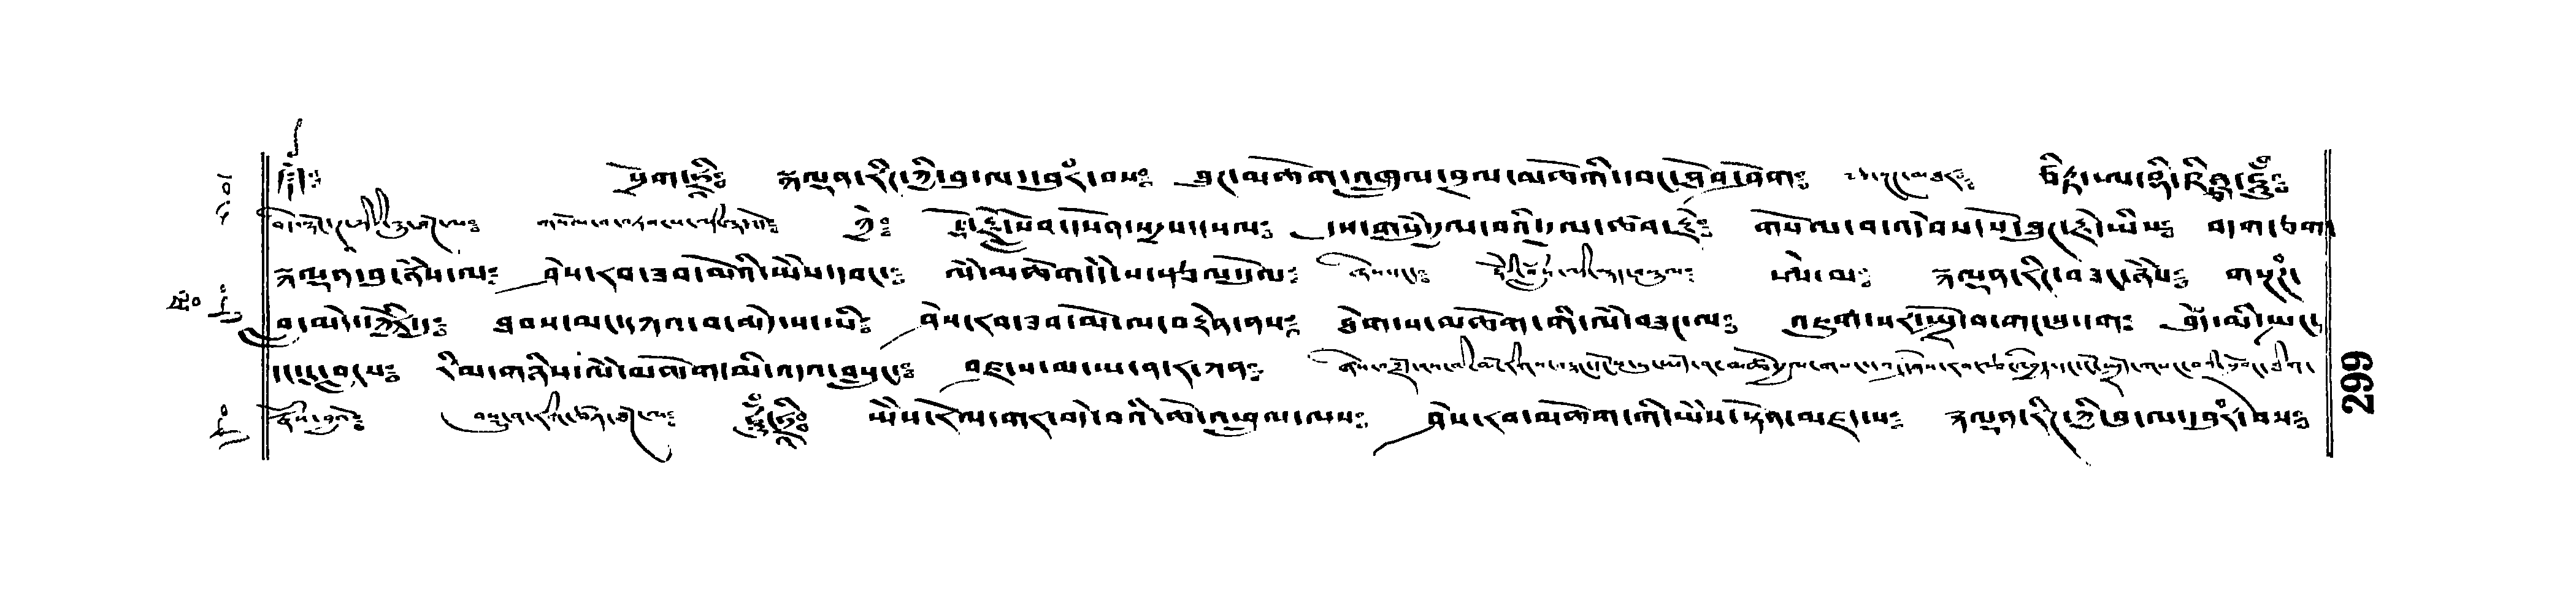སྲོག་ཧྲཱིཿ སྐལ་ལྡན་རིགས་ཀྱི་བུ་ལ་དབང་བསྐུར་བས༔ ཐུགས་མཆོག་འཁྲུལ་བྲལ་མཆོག་གི་དབང་ཐོབ་ཤོག༔ རྩ་སྔགས་མཐར༔ ཙིཏྟ་ཨ་བྷི་རིཉྩ་ཧཱུྃ༔ 
བདེ་སྟོང་ཌཱ་ཀིའི་སྐུ་ཐོགས་ལ༔ གསོལ་བ་བཏབ་པ་འདི་སྐད་དོ༔ ཀྱེ༔ རྡོ་རྗེ་སློབ་དཔོན་སངས་རྒྱས་དཔལ༔ དུས་གསུམ་རྒྱལ་བའི་རྒྱལ་ཚབ་རྗེ༔ གསོལ་བ་འདེབས་སོ་ཐུགས་རྗེ་ཡིས༔ བདག་ཅག་
སྐལ་ལྡན་བུ་རྣམས་ལ༔ ཤེས་རབ་ཟབ་མོའི་ཡེ་ཤེས་དབང༔ ལམ་མཆོག་དམ་པ་སྩལ་དུ་གསོལ༔ ཞེས་དང༔ རྡོ་རྗེའི་བླ་མས་འདི་སྐད་བསྐུལ༔ ཨེ་མ༔ སྐལ་ལྡན་རིགས་བཟང་རྣམས༔ གསང་སྔགས་
བླ་མེད་དཀྱིལ་འཁོར་དུ༔ ཐབས་མང་དཀའ་བ་མེད་པ་ཡི༔ ཤེས་རབ་ཟབ་མོ་ལ་བརྟེན་ནས༔ ཐེག་པ་མཆོག་གི་ལམ་བཟང་ལ༔ འཇུག་པར་སྤྲོ་བ་གང་སུ་དག༔ བུད་མེད་མི་སྤང་
དང་དུ་བླངས༔ རིམ་གཉིས་ལམ་མཆོག་མི་འདའ་བསྲུང༔ བཛྲ་ས་མ་ཡ་ན་ར་ཀན༔ ཞེས་བརྗོད་ནས་མི་མོ་རིགས་བཟང་དངོས་སུ་ཡོད་ན་མཚོ་རྒྱལ་གསང་དབང་ཤེས་རབ་རྩ་འབྱེད་དང་ངོ་སྤྲོད་གསང་བའི་སྲོག་ཐིག་
རྣམས་བྱའོ། བསྡུ་ན་རིག་ཙག་ཐོགས་ལ༔ ཧཱུྃ་ཧྲཱིཿ ཡེ་ཤེས་རོལ་གར་བདེ་བའི་ཆོ་འཕྲུལ་ལས༔ ཤེས་རབ་མཆོག་གི་ཡེ་ཤེས་སྟོན་མཛད་པ༔ སྐལ་ལྡན་རིགས་ཀྱི་བུ་ལ་དབང་བསྐུར་བས༔